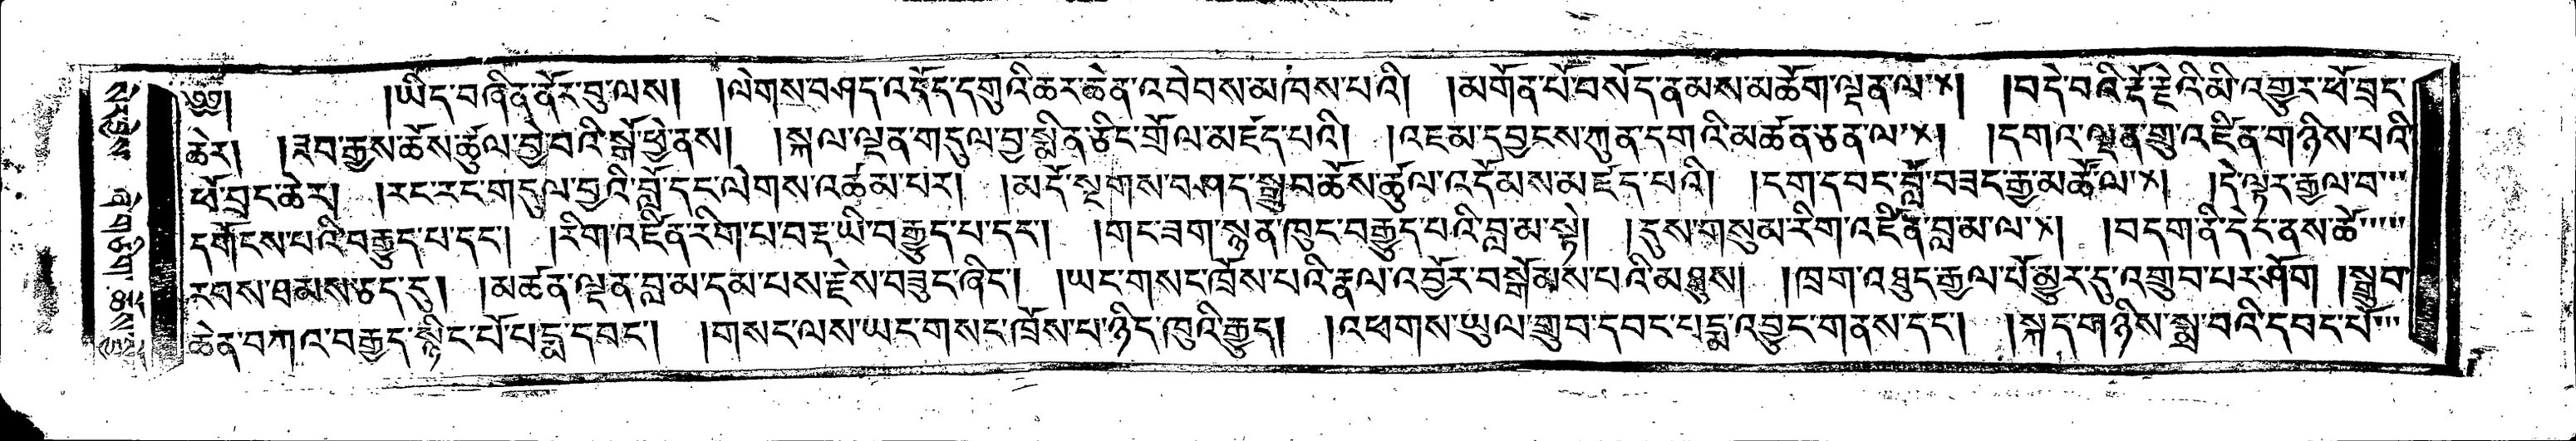༄༅། །ཡིད་བཞིན་ནོར་བུ་ལས། །ལེགས་བཤད་འདོད་དགུའི་ཆར་ཆེན་འབེབས་མཁས་པའི། །མགོན་པོ་བསོད་ནམས་མཆོག་ལྡན་ལ་{྾}་། །བདེ་བའི་རྡོ་རྗེའི་མི་འགྱུར་ཕོ་བྲང་
ཆེར། །ཟབ་རྒྱས་ཆོས་ཚུལ་བྱེ་བའི་སྒོ་ཕྱེ་ནས། །སྐལ་ལྡན་གདུལ་བྱ་སྨིན་ཅིང་གྲོལ་མཛད་པའི། །འཇམ་དབྱངས་ཀུན་དགའི་མཚན་ཅན་ལ་{྾}། །དགའ་ལྡན་གྲུ་འཛིན་གཉིས་པའི་
ཕོ་བྲང་ཆེར། །རང་རང་གདུལ་བྱའི་བློ་དང་ལེགས་འཚམ་པར། །མདོ་སྔགས་བཤད་སྒྲུབ་ཆོས་ཚུལ་འདོམས་མཛད་པའི། །ངག་དབང་བློ་བཟང་རྒྱ་མཚོ་ལ་{྾}། །དེ་ལྟར་རྒྱལ་བ་
དགོངས་པའི་བརྒྱུད་པ་དང་། །རིག་འཛིན་རིག་པ་བརྡ་ཡི་བརྒྱུད་པ་དང་། །གང་ཟག་སྙན་ཁུང་བརྒྱུད་པའི་བླ་མ་སྟེ། །དུས་གསུམ་རིག་འཛིན་བླ་མ་ལ་{྾}། །བདག་ནི་དེང་ནས་ཚེ་
རབས་ཐམས་ཅད་དུ། །མཚན་ལྡན་བླ་མ་དམ་པས་རྗེས་བཟུང་ཞིང་། །ཡང་གསང་ཁྲོས་པའི་རྣལ་འབྱོར་བསྒོམས་པའི་མཐུས། །ཁྲག་འཐུང་རྒྱལ་པོ་མྱུར་དུ་འགྲུབ་པར་ཤོག །སྒྲུབ་
ཆེན་བཀའ་བརྒྱད་སྙིང་པོ་པདམ་དབང་། །གསང་ལས་ཡང་གསང་ཁྲོས་པ་ཉིད་ཁུའི་རྒྱུད། །འཕགས་ཡུལ་གྲུབ་དབང་པདམ་འབྱུང་གནས་དང་། །སྐད་གཉིས་སྨྲ་བའི་དབང་པོ་